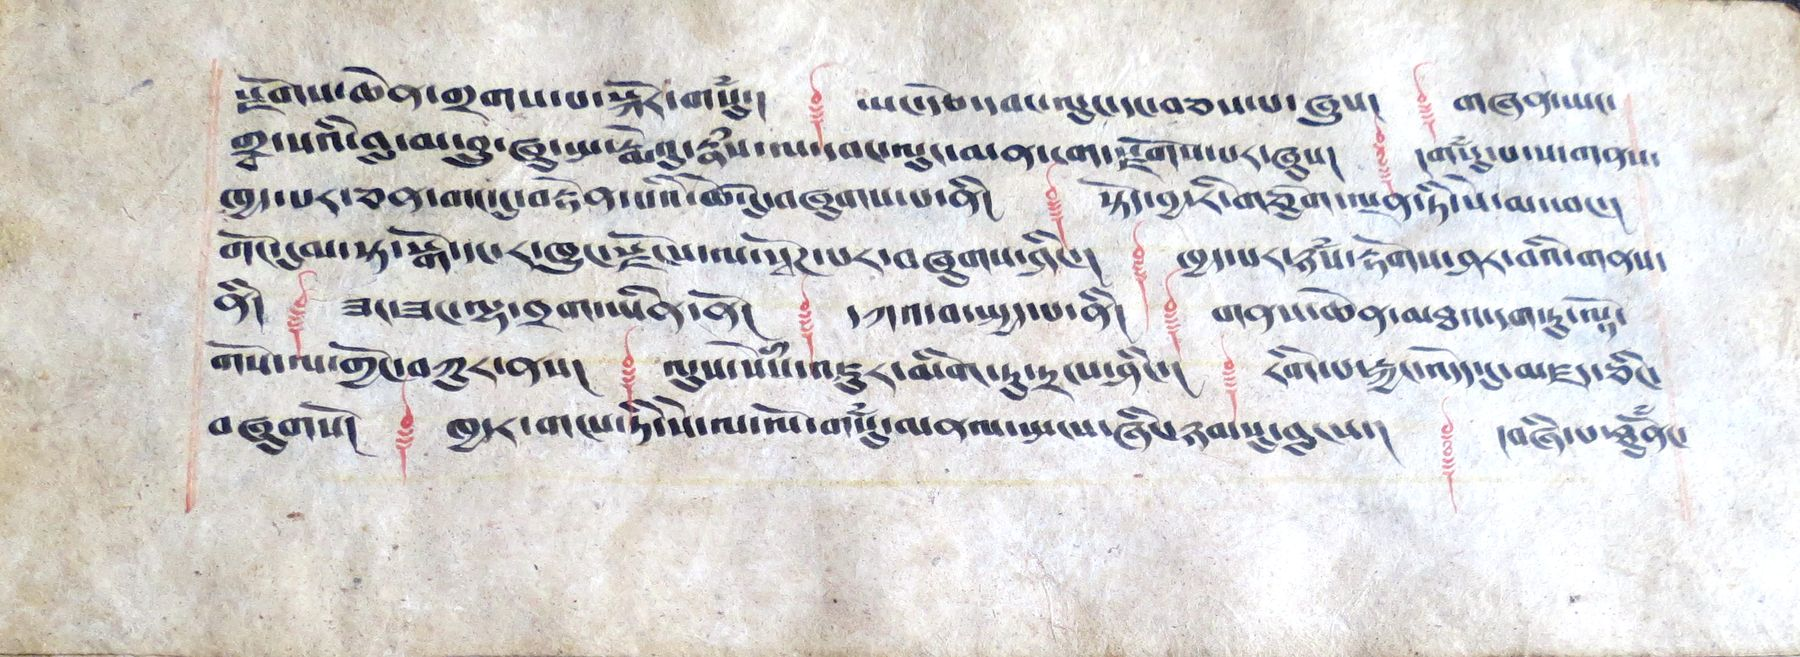རྫོགས་ཆེན་བསྒྲགས་པ་སྐོར་གསུམ། ཡང་རྩེ་དབང་ལུང་དང་བཅས་པ་ཞུས། གཞན་ཡང་
གྲྭ་སའི་བླ་མ་བྲུ་ཞུ་སྤ་རྨེའུ་རྣམས་ལ་དབང་ལུང་མན་ངག་རྫོགས་པར་ཞུས། གསུམ་པ་ས་གནས་
ཁྱད་པར་ཅན་གང་དུ་བརྟེན་པའི་ཚེ་དུ་བཞུགས་པ་ནི། སྟོད་བྱ་རི་གཙུག་ལྡན་ཏི་སེ་མ་ཕང་། 
གོང་དུམ་སྟ་སྒོ་དང་ར་ཁྱུང་རྫོང་ལ་སོགས་པར་བཞུགས་ཤིང་། ཁྱད་པར་ཉམས་རྟོགས་ཤར་བའི་གནས་
ནི། ཟང་ཟང་ལྷ་བྲག་ཡིན་ནོ། དཀའ་བ་སྤྱད་པ་ནི། གནས་ཆེན་མཐའ་དག་ཏུ་ལྟོ་
གོས་ལ་གྱོང་བསྐུར་ནས། ལུས་སེམས་འཇུར་མིག་ཏུ་དྲངས་ཤིང་། རིག་པ་རྐྱང་འདེད་དུ་མཛད་ཅིང་
བཞུགས་སོ། ། ཁྱད་པར་གངས་ཏི་སེ་ལ་ལོ་གསུམ་མནལ་སྤངས་ཤིང་ཉམས་སུ་བླངས། བཞི་པ་ཐུན་མོང་